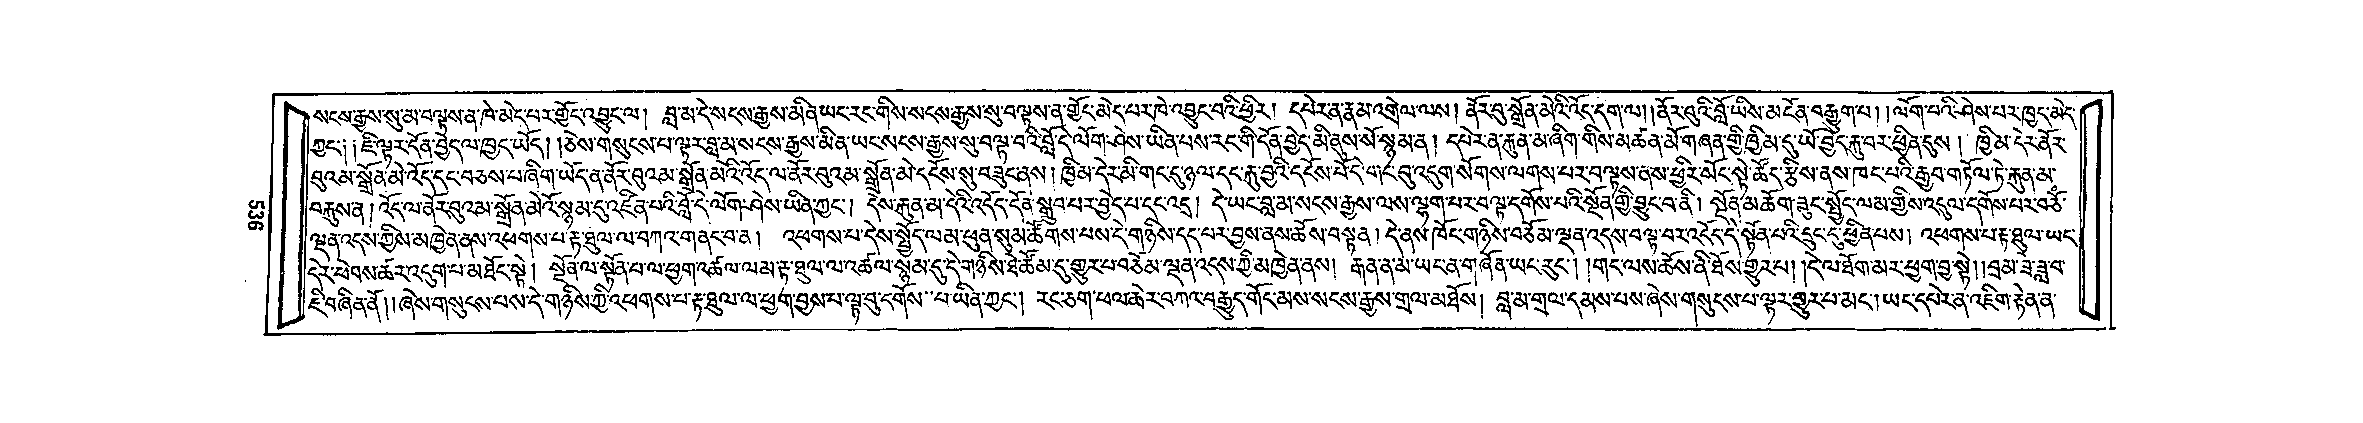སངས་རྒྱས་སུ་མ་བལྟས་ན་ཁེ་མེད་པར་གྱོང་འབྱུང་ལ། བླ་མ་དེ་སངས་རྒྱས་མིན་ཡང་རང་གིས་སངས་རྒྱས་སུ་བལྟས་ན་གྱོང་མེད་པར་ཁེ་འབྱུང་བའི་ཕྱིར། དཔེར་ན་རྣམ་འགྲེལ་ལས། ནོར་བུ་སྒྲོན་མེའི་འོད་དག་ལ། །ནོར་བུའི་བློ་ཡིས་མངོན་བརྒྱུག་པ། །ལོག་པའི་ཤེས་པར་ཁྱད་མེད་
ཀྱང་། །ཇི་ལྟར་དོན་བྱེད་ལ་ཁྱད་ཡོད། །ཅེས་གསུངས་པ་ལྟར་བླ་མ་སངས་རྒྱས་མིན་ཡང་སངས་རྒྱས་སུ་བལྟ་བའི་བློ་དེ་ལོག་ཤེས་ཡིན་པས་རང་གི་དོན་བྱེད་མི་ནུས་སོ་སྙམ་ན། དཔེར་ན་རྐུན་མ་ཞིག་གིས་མཚན་མོ་གཞན་གྱི་ཁྱིམ་དུ་ཡོ་བྱེད་རྐུ་བར་ཕྱིན་དུས། ཁྱིམ་དེར་ནོར་
བུའམ་སྒྲོན་མེ་འོད་དང་བཅས་པ་ཞིག་ཡོད་ན་ནོར་བུའམ་སྒྲོན་མེའི་འོད་ལ་ནོར་བུའམ་སྒྲོན་མེ་དངོས་སུ་བཟུང་ནས། །ཁྱིམ་དེར་མི་གང་དུ་ཉལ་དང་རྐུ་བྱའི་དངོས་པོ་དེ་གང་བུ་འདུག་སོགས་ལགས་པར་བལྟས་ནས་ཕྱིར་སོང་སྟེ་ཚོད་རྩིས་ནས་ཁང་པའི་རྒྱབ་གཏོལ་ཏེ་རྐུན་མ་
བརྐུས་ན། འོད་ལ་ནོར་བུའམ་སྒྲོན་མེའོ་སྙམ་དུ་འཛིན་པའི་བློ་དེ་ལོག་ཤེས་ཡིན་ཀྱང་། དེས་རྐུན་མ་དེའི་འདོད་དོན་སྒྲུབ་པར་བྱེད་པ་དང་འདྲ། དེ་ཡང་བླ་མ་སངས་རྒྱས་ལས་ལྷག་པར་བལྟ་དགོས་པའི་སྔོན་གྱི་བྱུང་བ་ནི། སྔོན་མཆོག་ཟུང་སྤྱོད་ལམ་གྱིས་འདུལ་དགོས་པར་བཅོཾ་
ལྡན་འདས་ཀྱིས་མཁྱེན་ནས་འཕགས་པ་རྟ་ཐུལ་ལ་བཀའ་གནང་བ་ན། འཕགས་པ་དེས་སྤྱོད་ལམ་ཕུན་སུམ་ཚོགས་པས་དེ་གཉིས་དད་པར་བྱས་ནས་ཆོས་བསྟན། དེ་ནས་ཁོང་གཉིས་བཅོམ་ལྡན་འདས་བལྟ་བར་འདོད་དེ་སྟོན་པའི་དྲུང་དུ་ཕྱིན་པས། འཕགས་པ་རྟ་ཐུལ་ཡང་
དེར་ཕེབས་ཚར་འདུག་པ་མཐོང་སྟེ། སྔོན་ལ་སྟོན་པ་ལ་ཕྱག་འཚལ་ལམ་རྟ་ཐུལ་ལ་འཚལ་སྙམ་དུ་དེ་གཉིས་ཐེ་ཚོམ་དུ་གྱུར་པ་བཅོམ་ལྡན་འདས་ཀྱི་མཁྱེན་ནས། རྒན་ན་མ་ཡང་ན་གཞོན་ཡང་རུང་། །གང་ལས་ཆོས་ནི་ཐོས་གྱུར་པ། །དེ་ལ་ཐོག་མར་ཕྱག་བྱ་སྟེ། །བྲམ་ཟེ་ཟླ་བ་
ཇི་བཞིན་ནོ། །ཞེས་གསུངས་པས་དེ་གཉིས་ཀྱི་འཕགས་པ་རྟ་ཐུལ་ལ་ཕྱག་བྱས་པ་ལྟ་བུ་དགོས་པ་ཡིན་ཀྱང་། རང་ཅག་ཕལ་ཆེར་བཀའ་བརྒྱུད་གོང་མས་སངས་རྒྱས་གྲལ་མཐོས། བླ་མ་གྲལ་དམས་པས་ཞེས་གསུངས་པ་ལྟར་གྱུར་པ་མང་། ཡང་དཔེར་ན་འཇིག་རྟེན་ན་